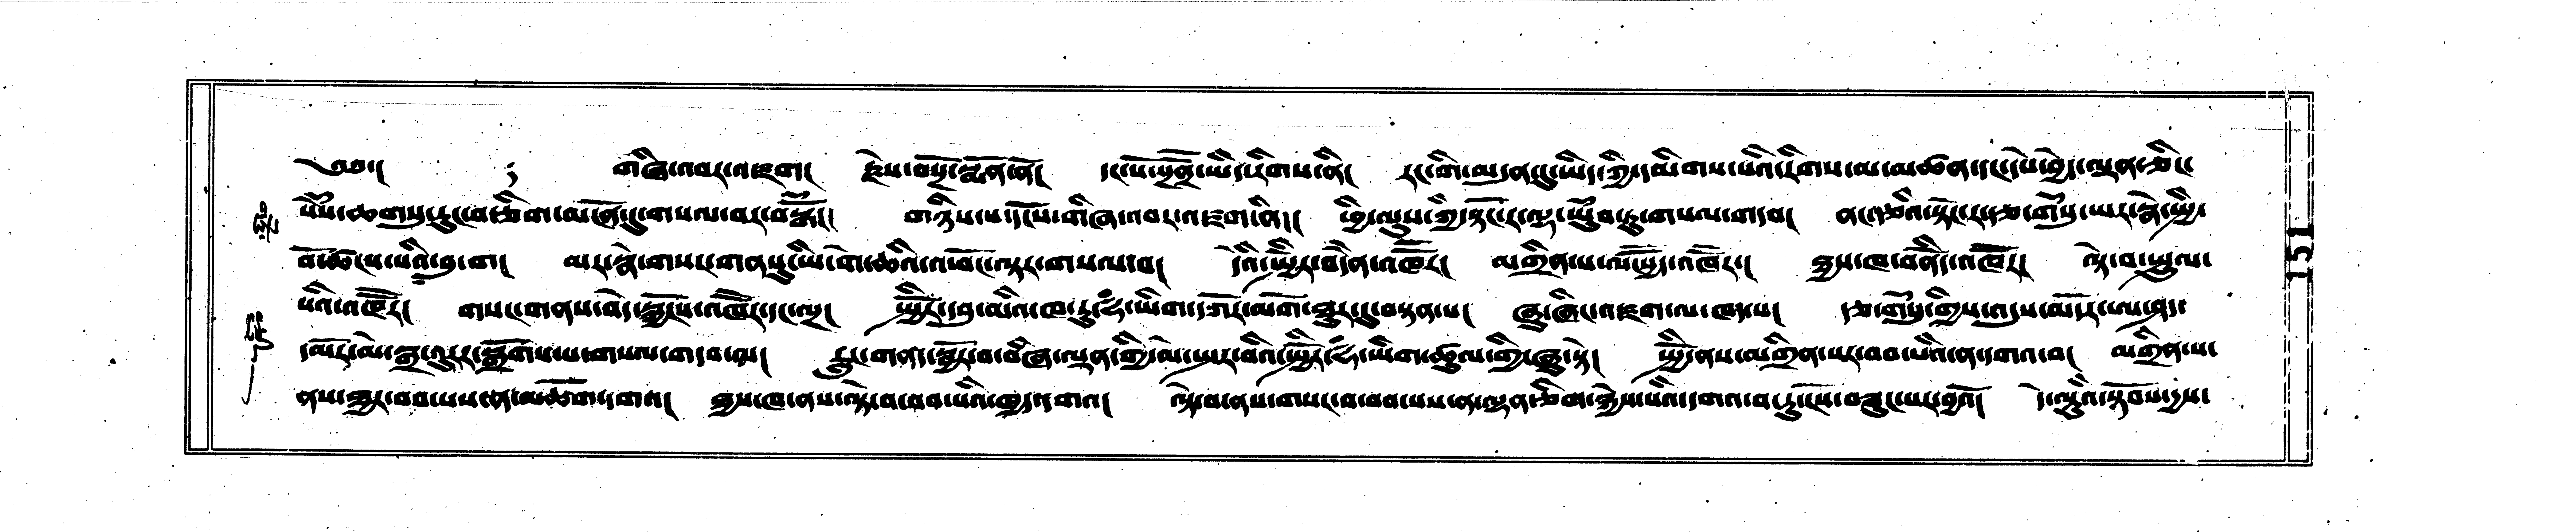བཞི་འབར་འཛགས། རྗེས་བསྔོ་སྨོན་ནོ། །དང་པོ་སྔོན་འགྲོ་ཡིད་རིགས་ནི། རང་གི་མདུན་དུ་ཡིད་ཀྱི་དམིགས་པའི་རིགས་ལ་མཚན་དང་དཔེ་བྱད་ལྡན་ཅིང་
སེམས་ཆགས་སུ་རུང་བ་ཅིག་མངོན་དུ་གསལ་བར་བསྒོམ། གཉིས་པ་དངོས་གཞི་འབར་འཛག་ནི། ཕྱི་ལུས་ཀྱི་སྟོང་ར་ཡབ་ཡུམ་དུ་གསལ་གདབ། ནང་རྩའི་སྟོང་ར་གསུམ་ཡར་སྣེ་སྤྱི་
བོ་ཚངས་པའི་བུ་ག མར་སྣེ་གསང་གནས་སུ་ཡི་གེ་ཆ་ཡི་འཕོངས་ལྟར་གསལ་བ། དེའི་སྤྱི་བོ་བདེ་ཆེན་འཁོར་ལོ། མགྲིན་པ་ལོངས་སྤྱོད་འཁོར་ལོ། ཐུགས་ཁ་བོན་ཉིད་འཁོར་ལོ། ལྟེ་བ་སྤྲུལ་
པའི་འཁོར་ལོ་དང་ལྔ། སྤྱི་བོར་དབུ་མའི་ཁ་རུ་ཧཾ་ཡིག་དཀར་པོ་མགོ་ཐུར་དུ་བསྟན་པ། ཞུ་ཞིང་འཛག་ལ་ཁད་པ། རྩ་གསུམ་གྱི་འདུས་མདོར་ཨ་ཤད་
དམར་པོ་མེ་སྒྲ་འུར་འུར་སྒྲོགས་པ་གསལ་གདབ་ལ། རླུང་གནད་སྦྱོར་བ་བཞི་ལྡན་གྱི་མེ་སྤར་བའི་སྤྱི་བོར་ཧཾ་ཡིག་ཚུལ་གྱིས་ཞུ་སྟེ། སྤྱི་བོ་ནས་མགྲིན་པར་བབས་པས་ན་དགའ་བ། མགྲིན་པ་
ནས་ཐུགས་ཁར་བབས་པས་ན་མཆོག་དགའ། ཐུགས་ཁ་ནས་ལྟེ་བར་བབས་པས་ཁྱད་དགའ། ལྟེ་བ་ནས་གསང་བར་བབས་པས་ན་ལྷན་ཅིག་སྐྱེས་པའི་དགའ་བ་རུ་ངོས་བཟུང་བར་བྱའོ། །དེ་ལྟ་བུའི་སྟོབས་རྒྱས་